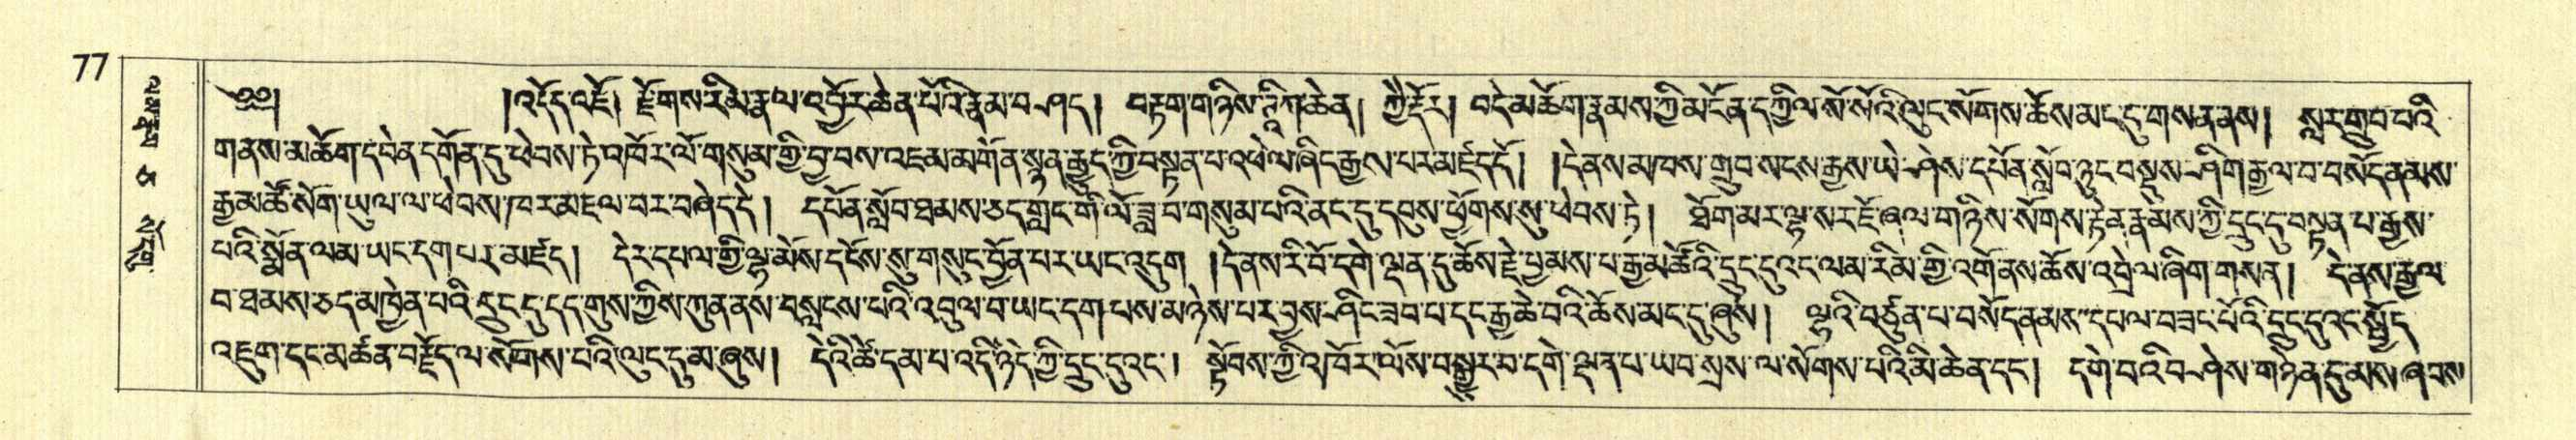༄༅། །འདོད་འཇོ། རྫོགས་རིམ་རྣལ་འབྱོར་ཆེན་པོའི་རྣམ་བཤད། བརྟག་གཉིས་ཊཱིཀ་ཆེན། ཀྱཻ་རྡོར། བདེ་མཆོག་རྣམས་ཀྱི་མངོན་དཀྱིལ་སོ་སོའི་ལུང་སོགས་ཆོས་མང་དུ་གསན་ནས། སླར་གྲུབ་པའི་
གནས་མཆོག་དབེན་དགོན་དུ་ཕེབས་ཏེ་འཁོར་ལོ་གསུམ་གྱི་བྱ་བས་འཇམ་མགོན་སྙན་རྒྱུད་ཀྱི་བསྟན་པ་འཕེལ་ཞིང་རྒྱས་པར་མཛད་དོ། །དེ་ནས་མཁས་གྲུབ་སངས་རྒྱས་ཡེ་ཤེས་དཔོན་སློབ་ཉུང་བསྡུས་ཤིག་རྒྱལ་བ་བསོད་ནམས་
རྒྱ་མཚོ་སོག་ཡུལ་ལ་ཕེབས་ཁར་མཇལ་བར་བཞེད་དེ། དཔོན་སློབ་ཐམས་ཅད་གླང་གི་ལོ་ཟླ་བ་གསུམ་པའི་ནང་དུ་དབུས་ཕྱོགས་སུ་ཕེབས་ཏེ། ཐོག་མར་ལྷ་སར་ཇོ་ཞལ་གཉིས་སོགས་རྟེན་རྣམས་ཀྱི་དྲུང་དུ་བསྟན་པ་རྒྱས་
པའི་སྨོན་ལམ་ཡང་དག་པར་མཛད། དེར་དཔལ་གྱི་ལྷ་མོས་དངོས་སུ་གསུང་བྱོན་པར་ཡང་འདུག །དེ་ནས་རི་བོ་དགེ་ལྡན་དུ་ཆོས་རྗེ་བྱམས་པ་རྒྱ་མཚོའི་དྲུང་དུའང་ལམ་རིམ་གྱི་འགོ་ནས་ཆོས་འབྲེལ་ཞིག་གསན། དེ་ནས་རྒྱལ་
བ་ཐམས་ཅད་མཁྱེན་པའི་དྲུང་དུ་དད་གུས་ཀྱིས་ཀུན་ནས་བསླངས་པའི་འབུལ་བ་ཡང་དག་པས་མཉེས་པར་བྱས་ཤིང་ཟབ་པ་དང་རྒྱ་ཆེ་བའི་ཆོས་མང་དུ་ཞུས། ལྷའི་བཙུན་པ་བསོད་ནམས་དཔལ་བཟང་པོའི་དྲུང་དུའང་སྤྱོད་
འཇུག་དང་མཚན་བརྗོད་ལ་སོགས་པའི་ལུང་དུ་མ་ཞུས། དེའི་ཚེ་དམ་པ་འདི་ཉིད་ཀྱི་དྲུང་དུའང་། སྟོབས་ཀྱི་འཁོར་ལོས་བསྒྱུར་བ་དགེ་ལྡན་པ་ཡབ་སྲས་ལ་སོགས་པའི་མི་ཆེན་དང་། དགེ་བའི་བཤེས་གཉེན་དུ་མས་ཞབས་